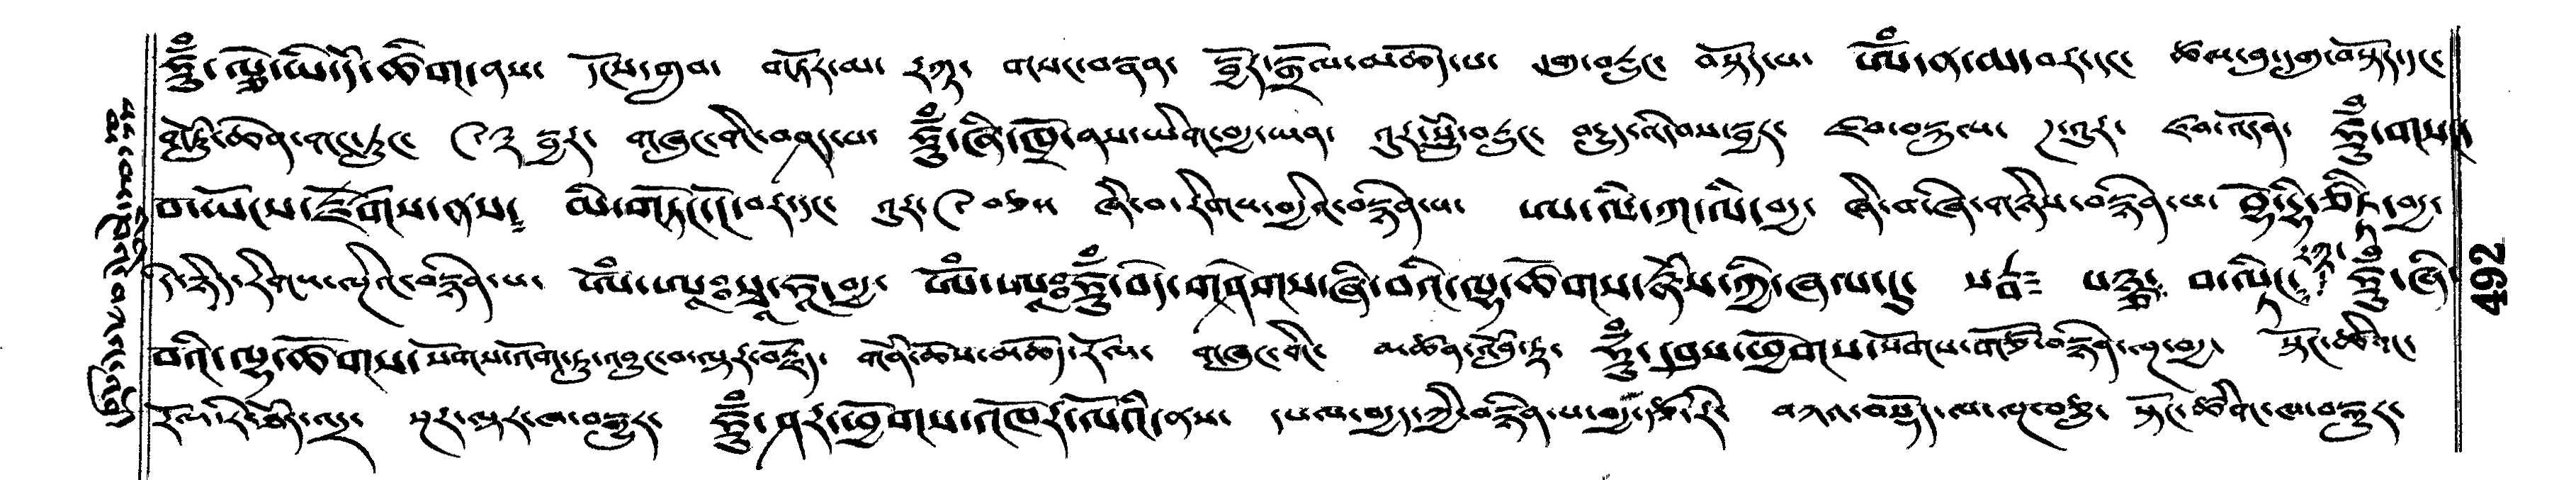ཧཱུྃ། ལྕེ་ཡི་དམ་ཚིག་ནས། དངོས་གྲུབ། གཏོར་མ། རཀྟ། གསང་བསྣན། སྦྱོར་སྒྲོལ་མཆོད་པ། ( དགུ་བརྡུང་། ) བསྟོད་པ། ཨོཾ་ན་མ༴ བར་དང་། ཚོམ་བུ་དགུ་བསྟོད་དང་། 
གཏུམ་ཆེན་གང་རུང་། སྦྱར། གཞུང་གི་བཤགས་པ། ཧཱུྃ༔ཞི་ཁྲོ༴ ནས་ཡིག་བརྒྱ་ཡན། ( འུར་སྡུམ་བརྡུང་། ) བརྒྱུད་འདེབས་སྦྱར། འཛབ་བསྐུལ། ( ཌཱ་འུར། ) འཛབ་འདོན། ཧཱུྃ༔གསང་
བ་ཡོངས་རྫོགས་ནས༴ མི་གཏོང་ངོ༔ བར་དང་། ( འུར་དགུ་བཅས། ) ཞི་བ་རིགས་བརྒྱའི་བསྙེན་པ། ཨ་ལི་ཀ་ལི༴ བརྒྱ། ཞི་བ་ཞེ་གཉིས་བསྙེན་པ། བྷོ་དྷི་ཙིཏྟ༴ བརྒྱ། 
དེ་ཉིད་རིགས་ལྔའི་བསྙེན་པ། ཨོཾ་ཨཱཿཧཱུྃ་སྭཱ་ཧཱཿ བརྒྱ། ཨོཾ་ཨཱཿཧཱུྃ། བདེ་གཤེགས་ཞི་བའི་ལྷ་ཚོགས་རྣམས་ཀྱི་ཞལ་དུ༴ སརྦ་པཉྩ་བ་ལིངྟ་རཀྟ༴ ཧཱུྃ༔ཞི་
བའི་ལྷ་ཚོགས༴ སོགས་འོག་ཏུ་འབྱུང་བ་ལྟར་བརྗོད། ( གནམ་ཆོས་མཆོད་རོལ། ) གཞུང་གི། མཚན་འབུམ་རྟ། ཧཱུྃ༔དབུས་ཕྱོགས༴ སོགས་གཙོ་བསྙེན་ལྔ་བརྒྱ། སྟོང་ཚིག་ 
( རོལ་རེ་ཐར་མ་འདྲ། ) སྔར་ལྟར་ཁ་བསྒྱུར། ཧཱུྃ༔ཤར་ཕྱོགས་འཁོར་ལོའི༴ ནས། དཔལ་བརྒྱད་ཀྱི་བསྙེན་པ་བརྒྱ་རྩ་རེ། བཀའ་བསྡོད་ལ་ལྔ་བཅུ། སྟོང་ཚིག་ཁ་བསྒྱུར་